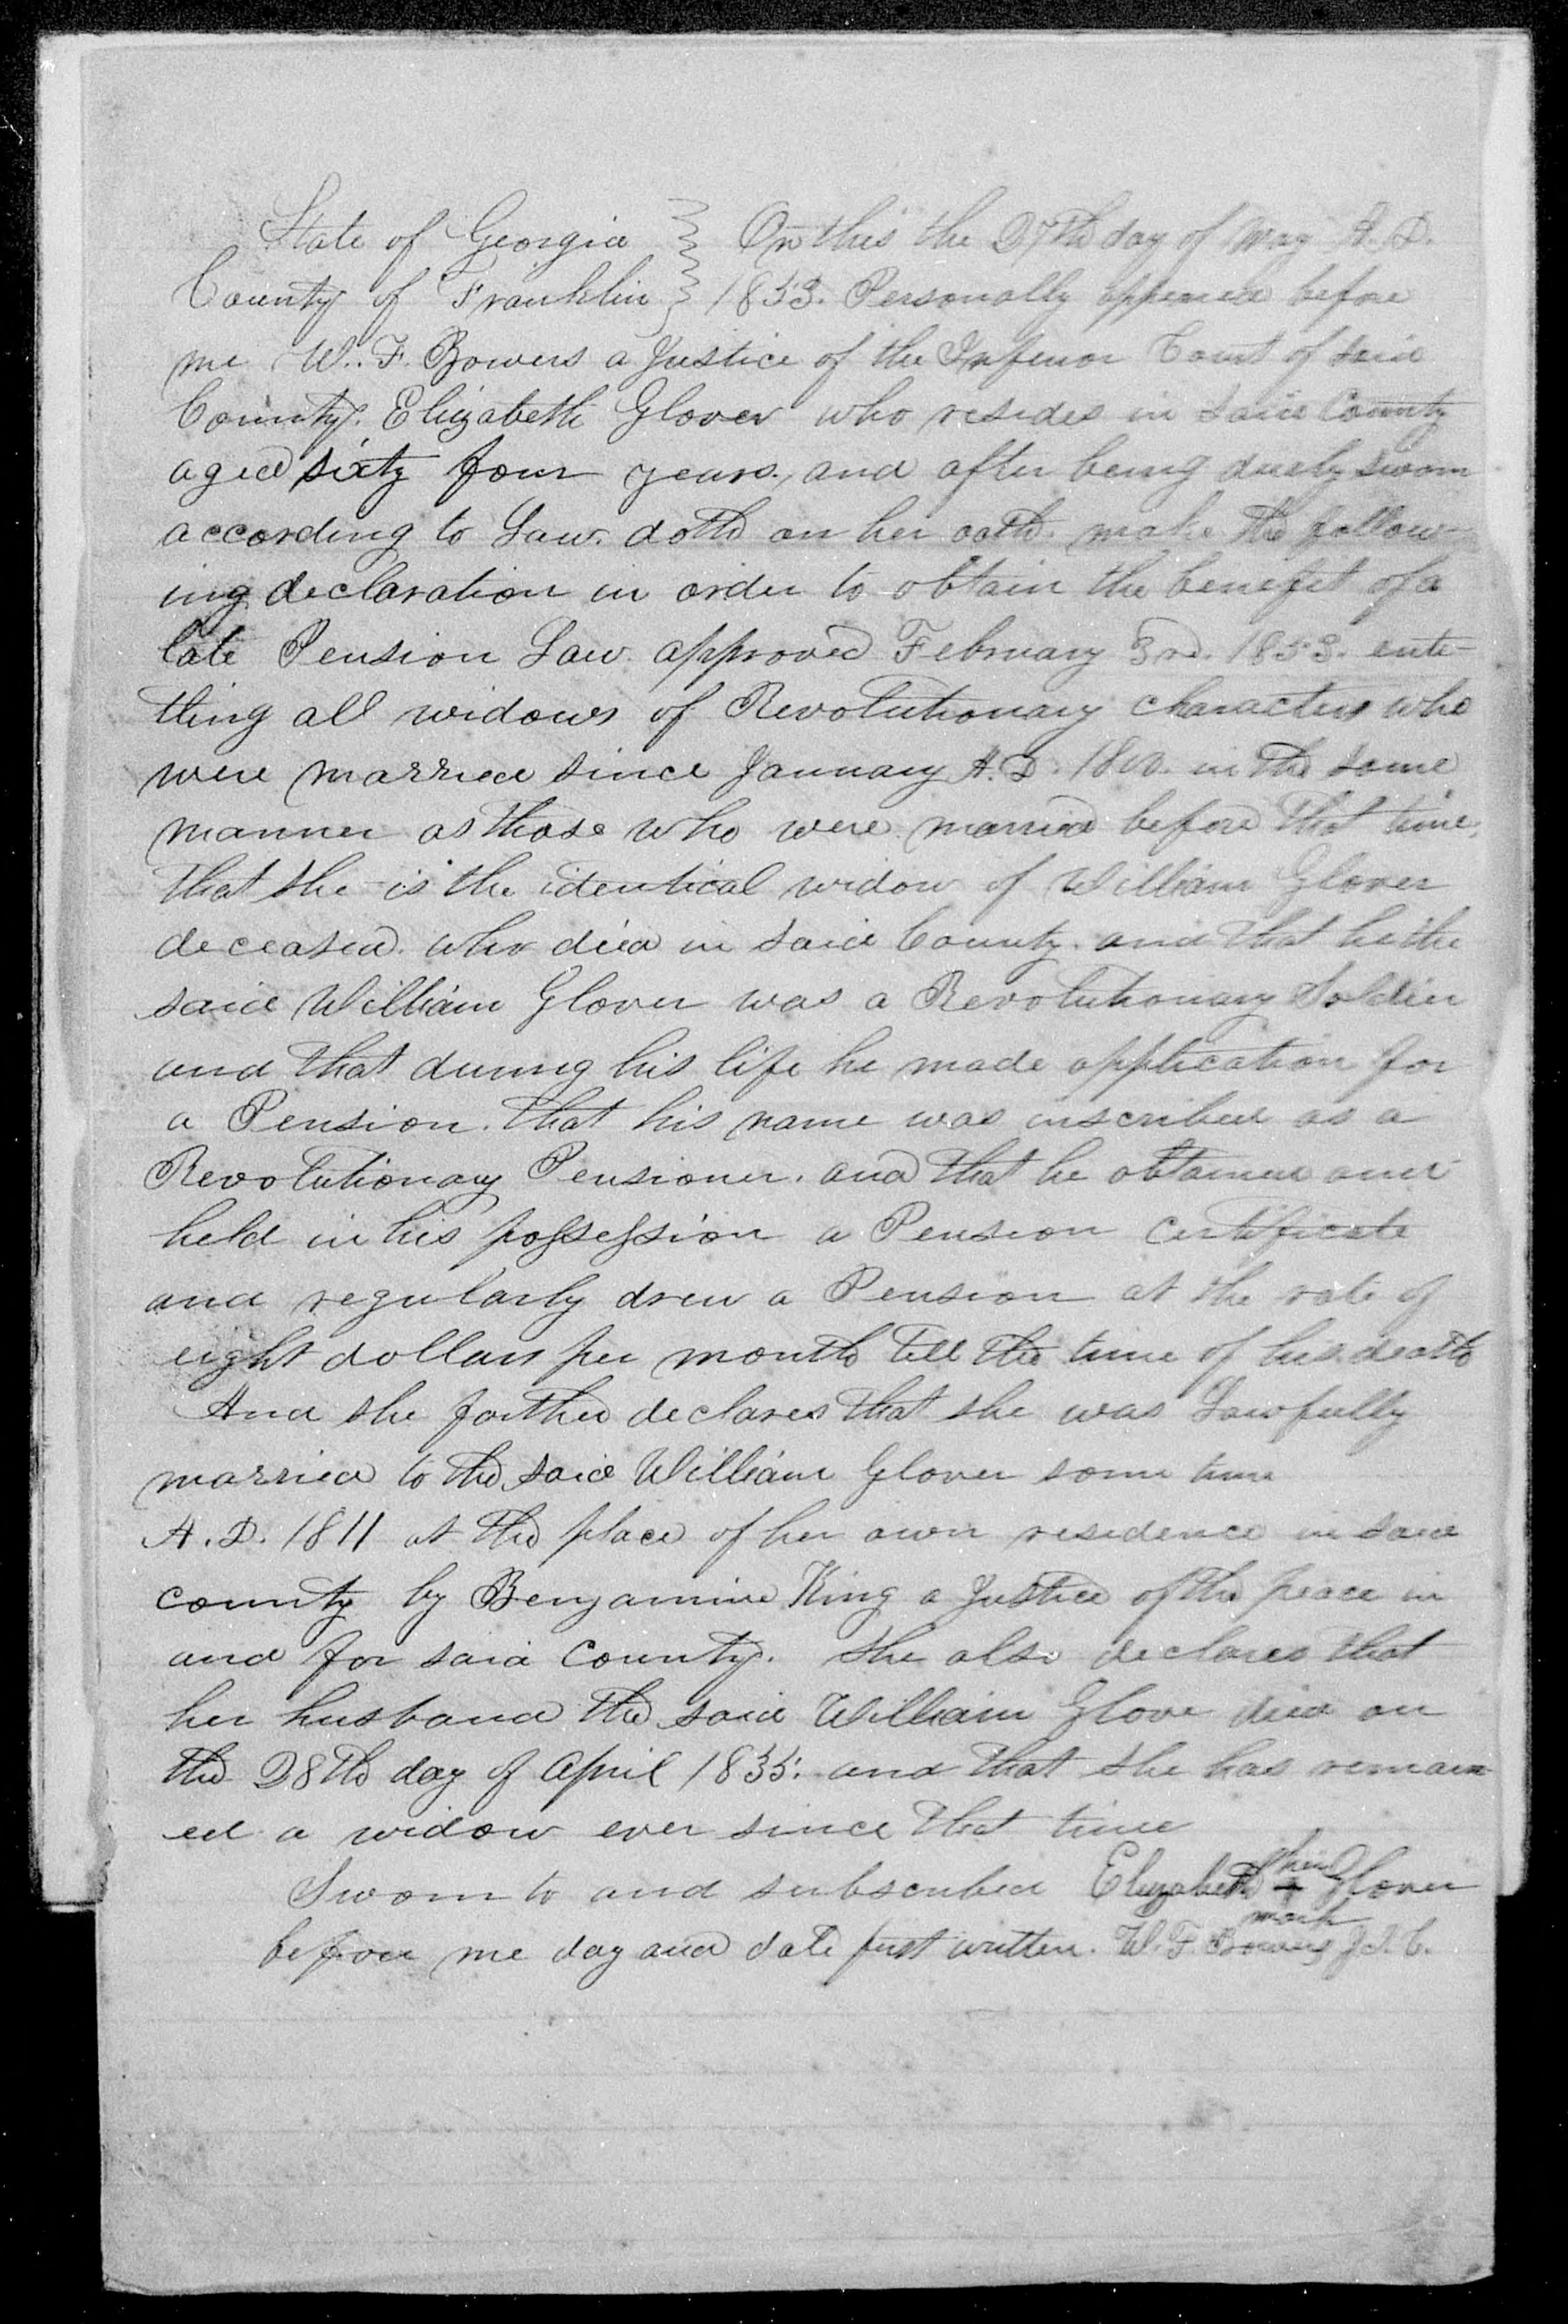State of Georgia} 
County of Franklin} 

On this the 27th day of May A.D. 1853. Personally appeared before me. W.F. Bowers a Justice of the Inferior Court of said County. Elizabeth Glover who resides in said County aged sixty four years and after being duly sworn according to Law. doth under oath make the following declaration in order to obtain the benefit of a late Pension Law approved February 3, 1853. entitling all widows of Revolutionary characters who were married since January A.D. 1800 in the same manner as those who were married before that time that she is the identical widow of William Glover deceased who died in said County and that he the said William Glover was a Revolutionary Soldier and that during his life he made application for a Pension. that his name was inscribed as a Revolutionary Pensioner. and that he obtained over held in his possession a Pension certificate and regularly drew a Pension at the rate of eight dollars per month till the time of his death 
And she farther declares that she was Lawfully married to the said William Glover some time A.D. 1811 at the place of her own residence in said county by Benjamin King a Justice of the Peace in and for said county. She also declares that her husband the said William Glover died on the 28th day of April 1835: and that she has  remained a widow ever since that time. 
                                                    
Sworn to and subscribed 
before me day and date first written.  
             
              her
Elizabeth^ Glover 
               mark

W.F. Bowers J.I.C.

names: William Glover, Elizabeth Glover, William Glover, Benjamine King, W F Bowers, William Glover, W F Bowers, William Glover, Elizabeth Glover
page: 13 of 51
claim: widow's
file: W. 929, William Glover, N.C.